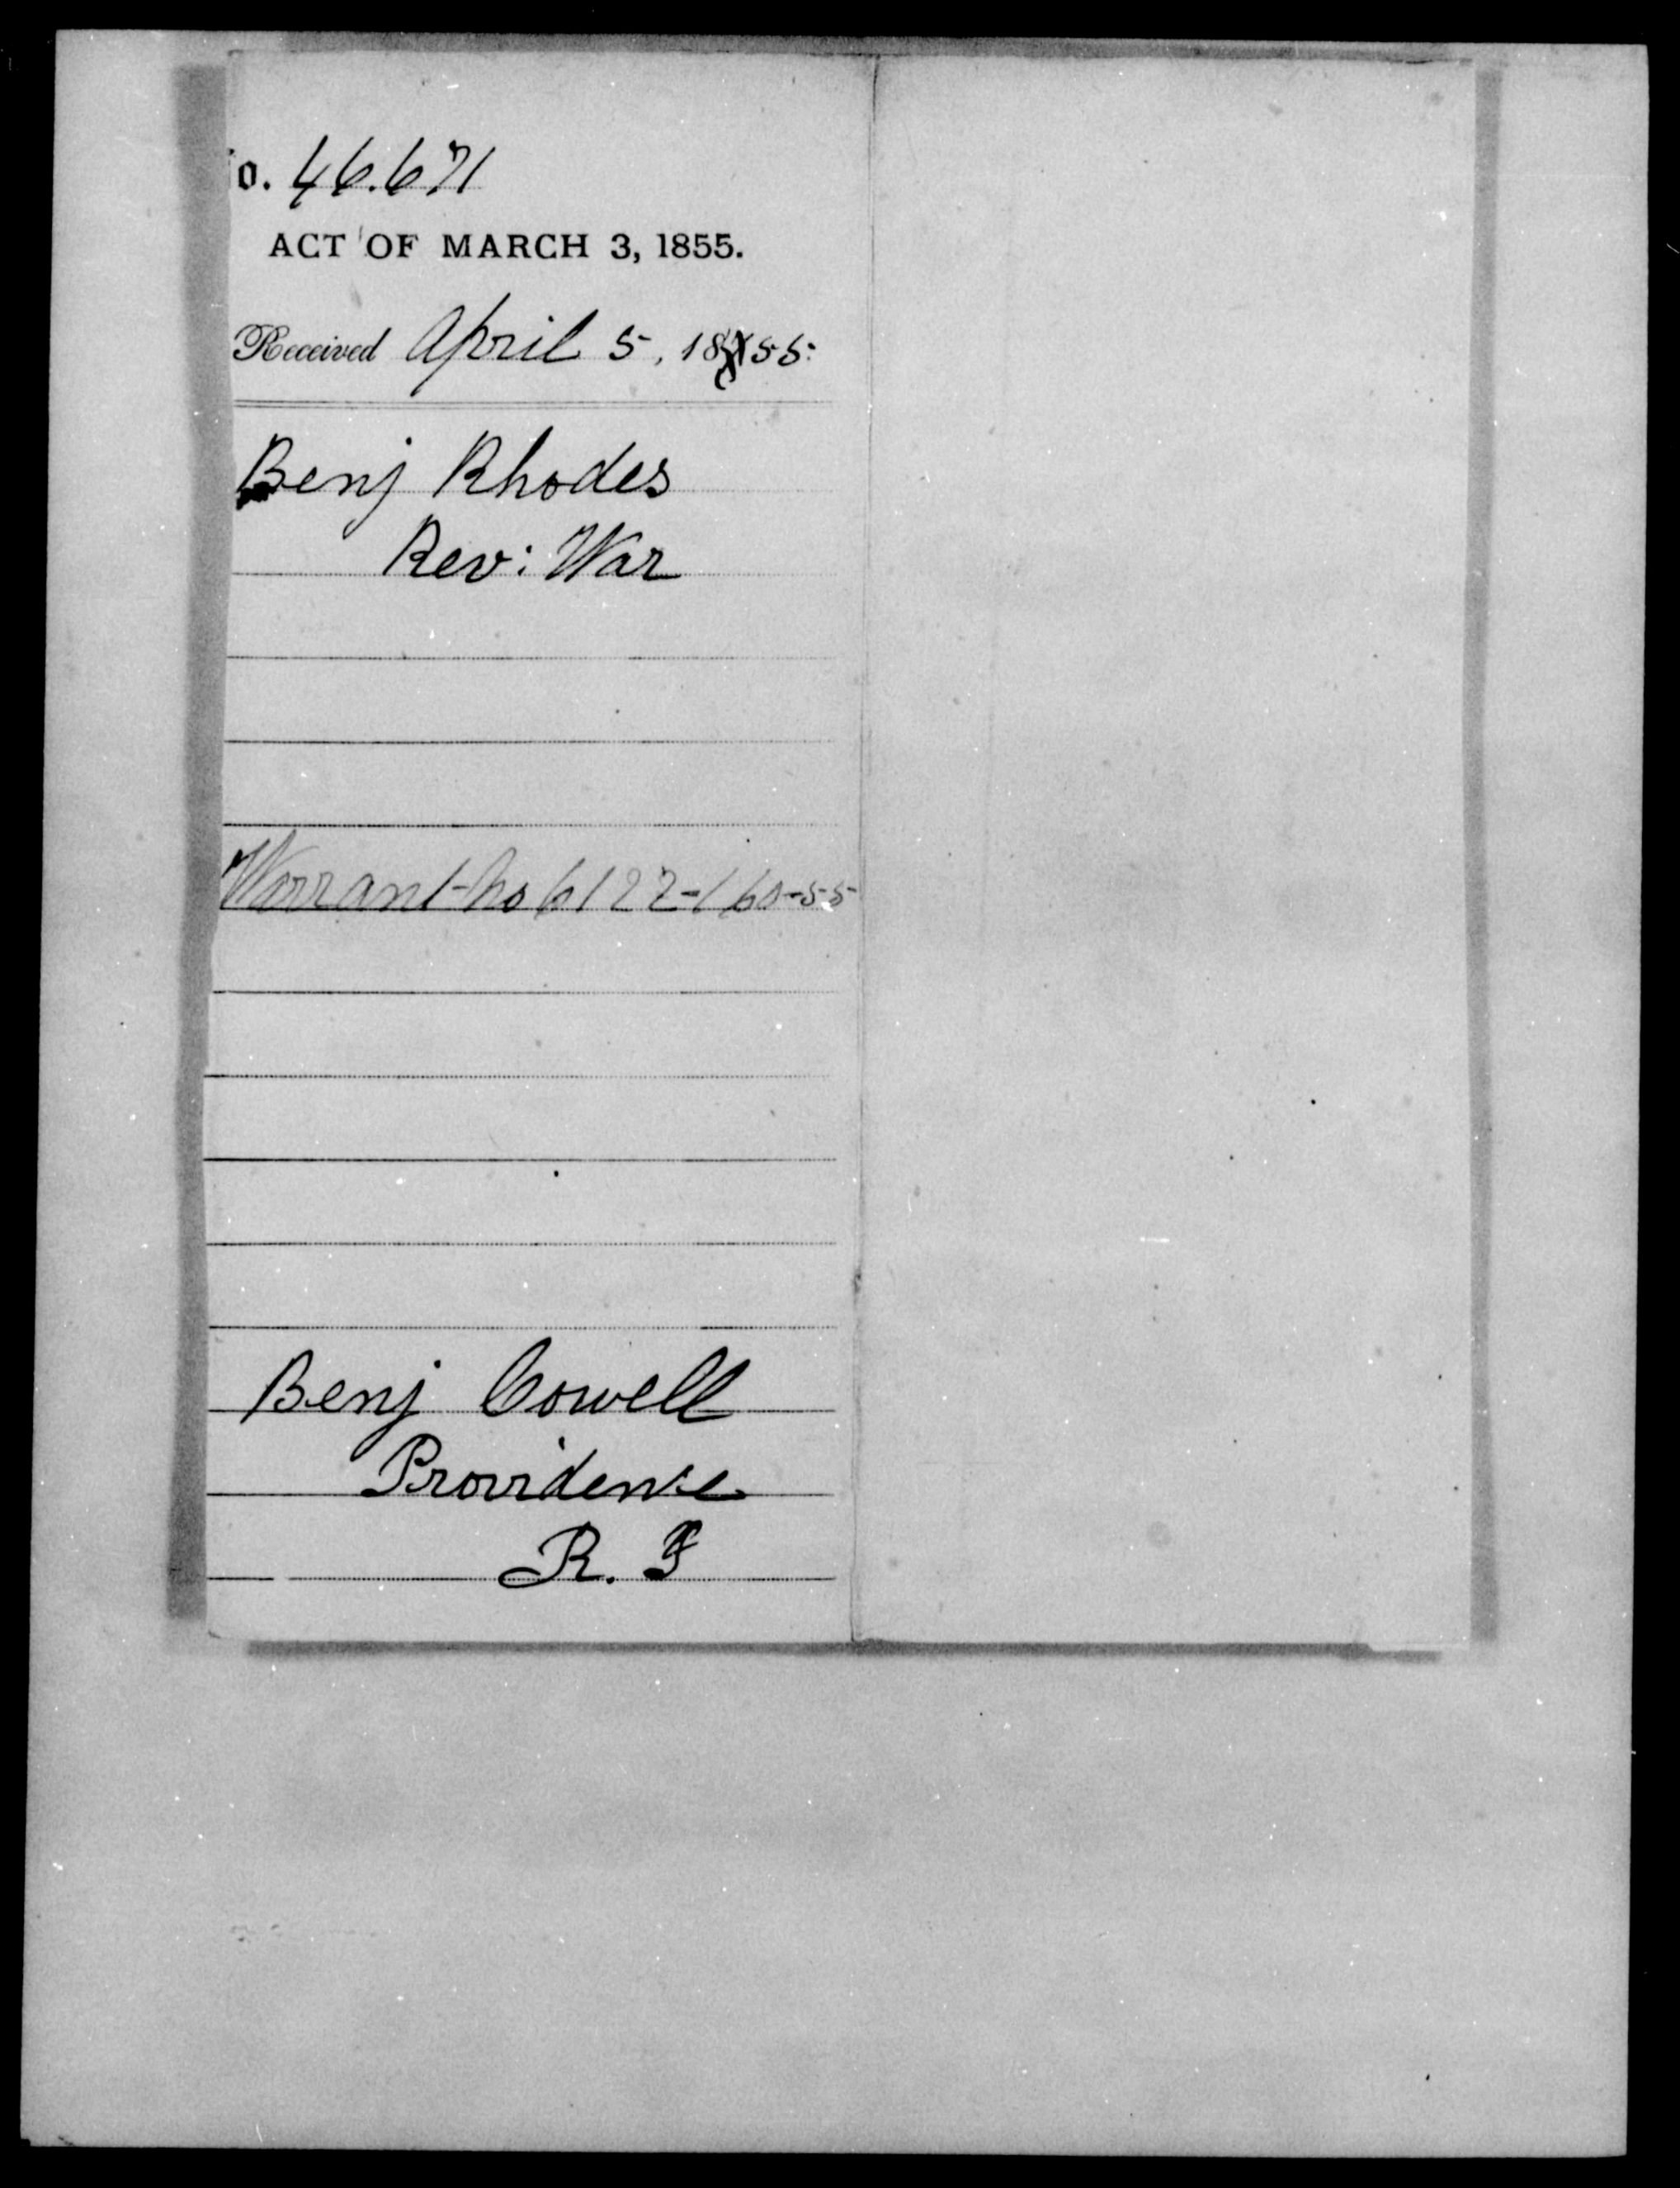No. 46.671
ACT OF MARCH 3, 1855.
Received April 5, 1855.
-
Benj Rhodes
Rev. War
Warrant No 6122-16055
Benj Cowell
Providence
R I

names: Benj Cowell; Benj Rhodes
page: 29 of 50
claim: widow's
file: W. 22058, for Benjamin Rhodes, Rhode Island